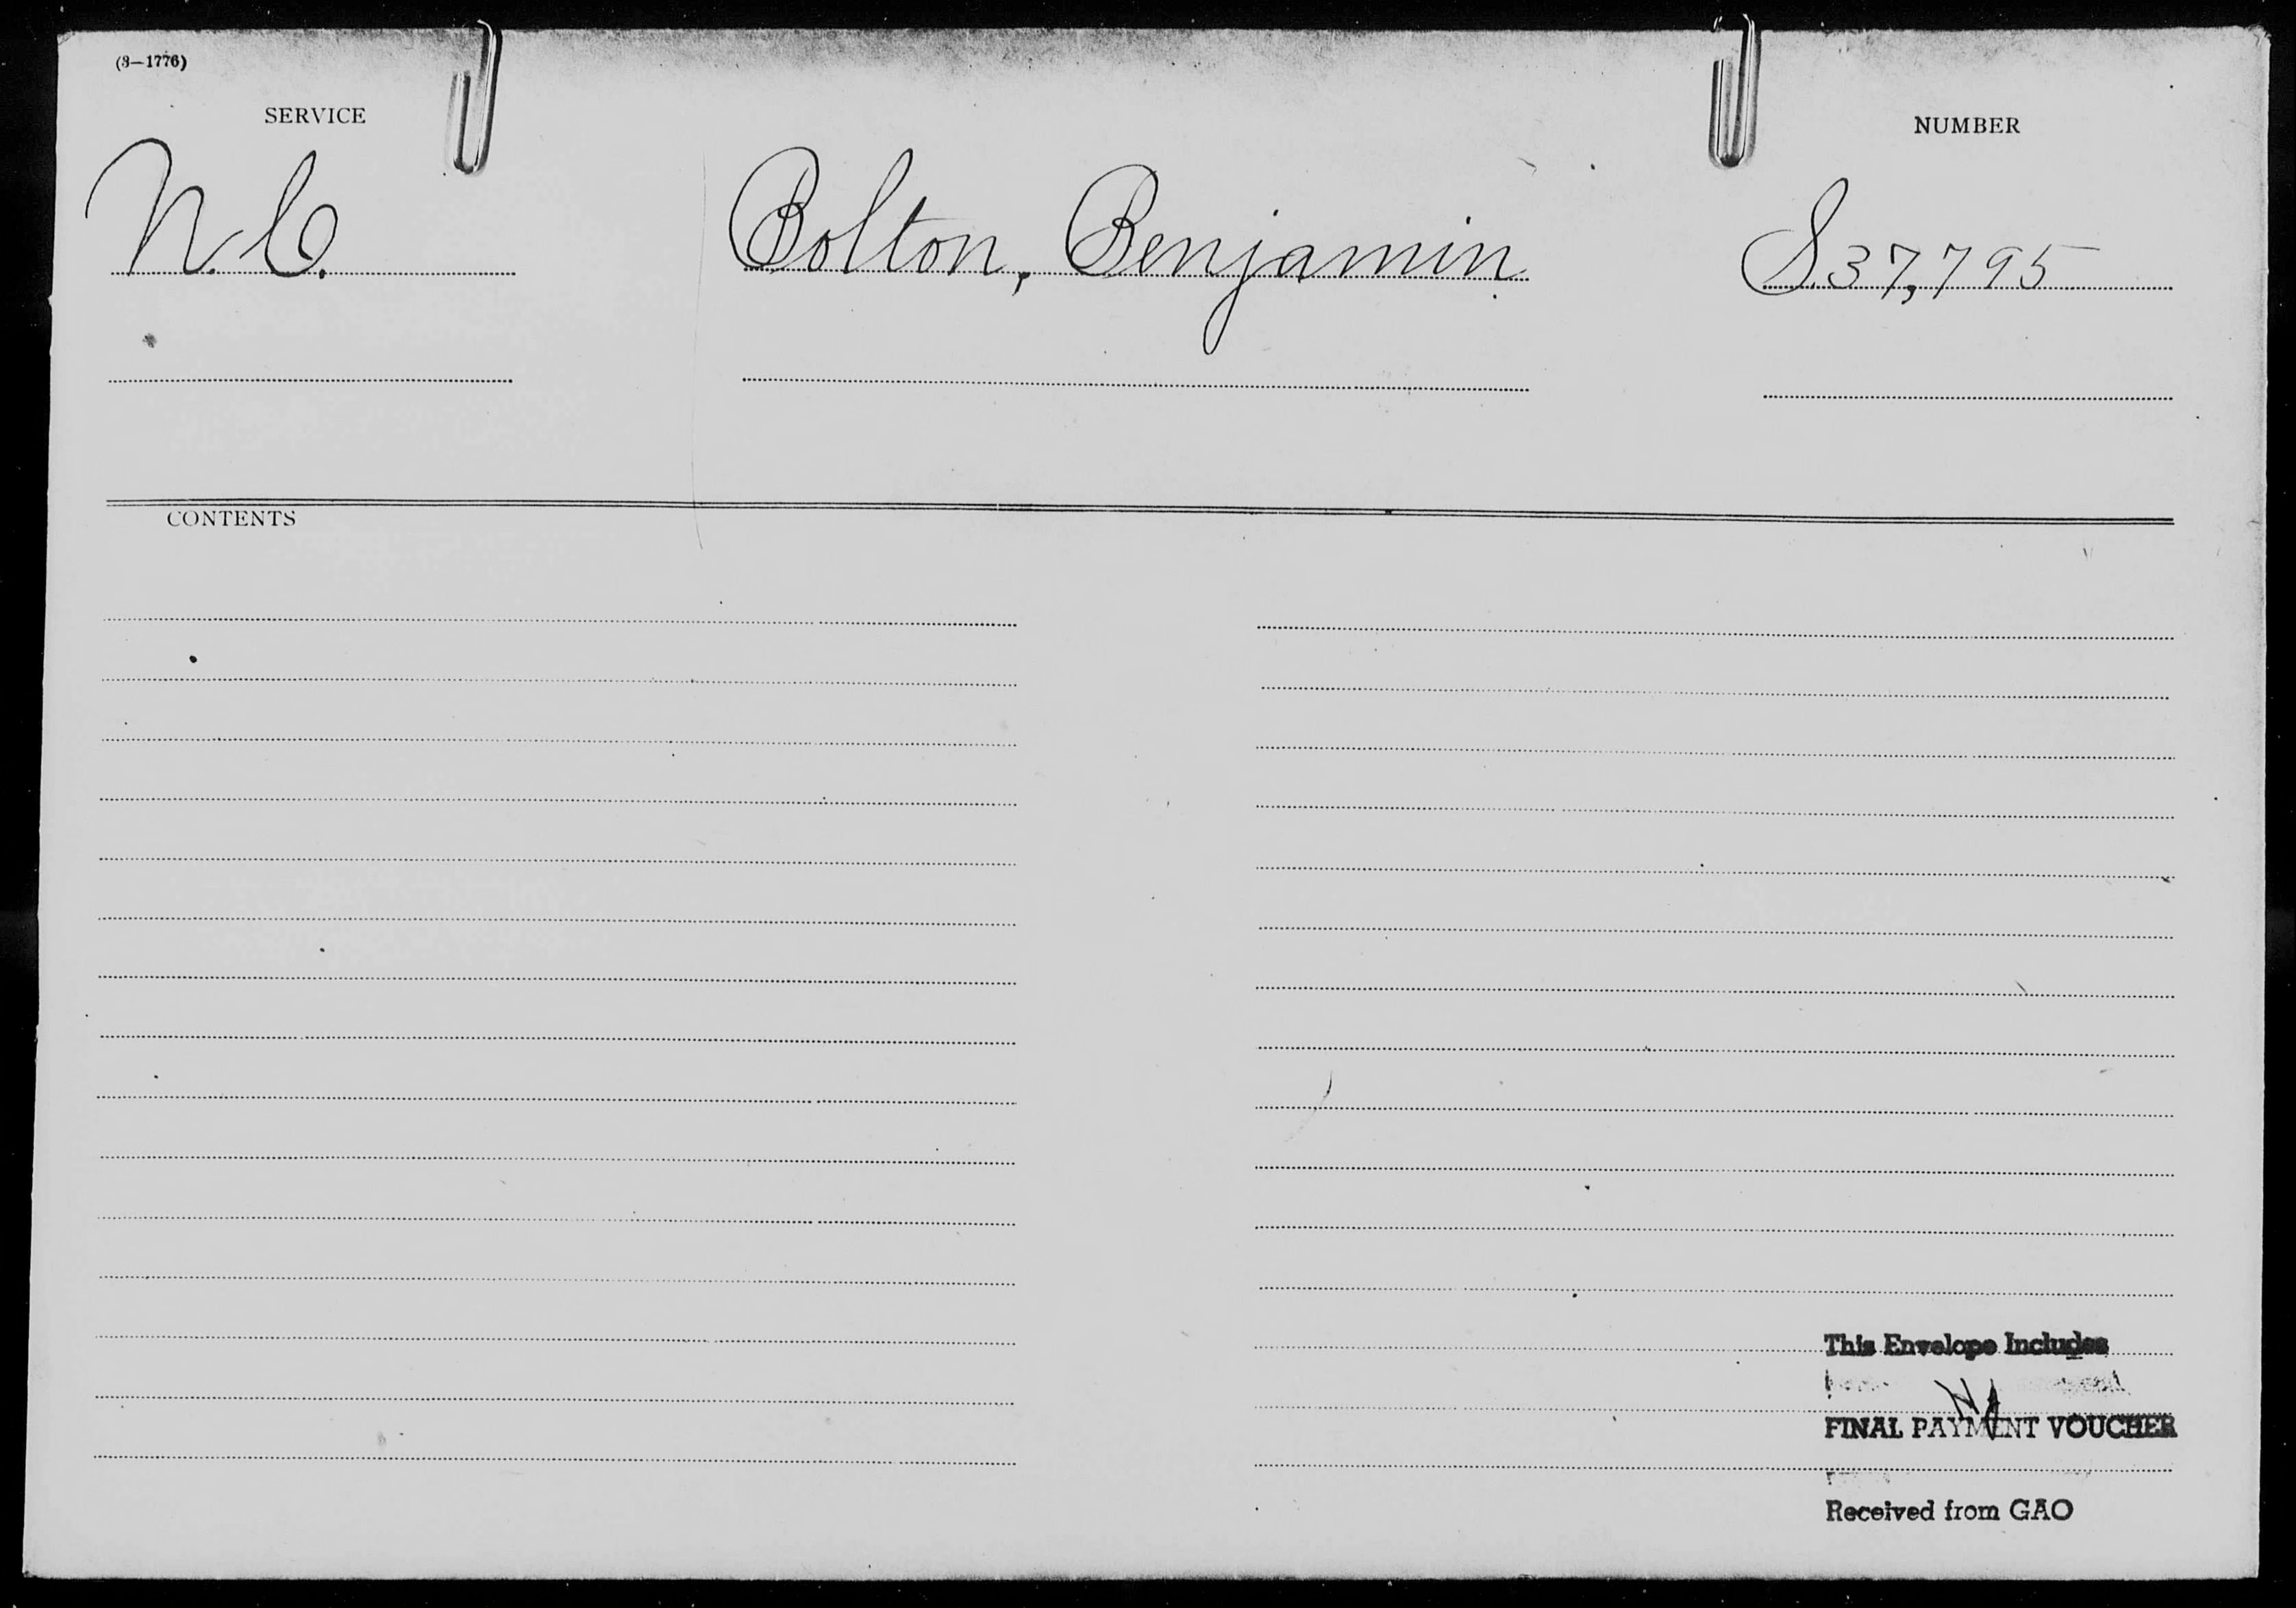(3-1776)
SERVICE N.C.
Bolton, Benjamin
NUMBER  S. 37,795

________________
CONTENTS  [blank]




[stamp: This Envelope Includes 
FINAL PAYMENT VOUCHER
Received from GAO]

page: 1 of 29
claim: survivor's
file: S. 37,795, Benjamin Bolton, N.C.